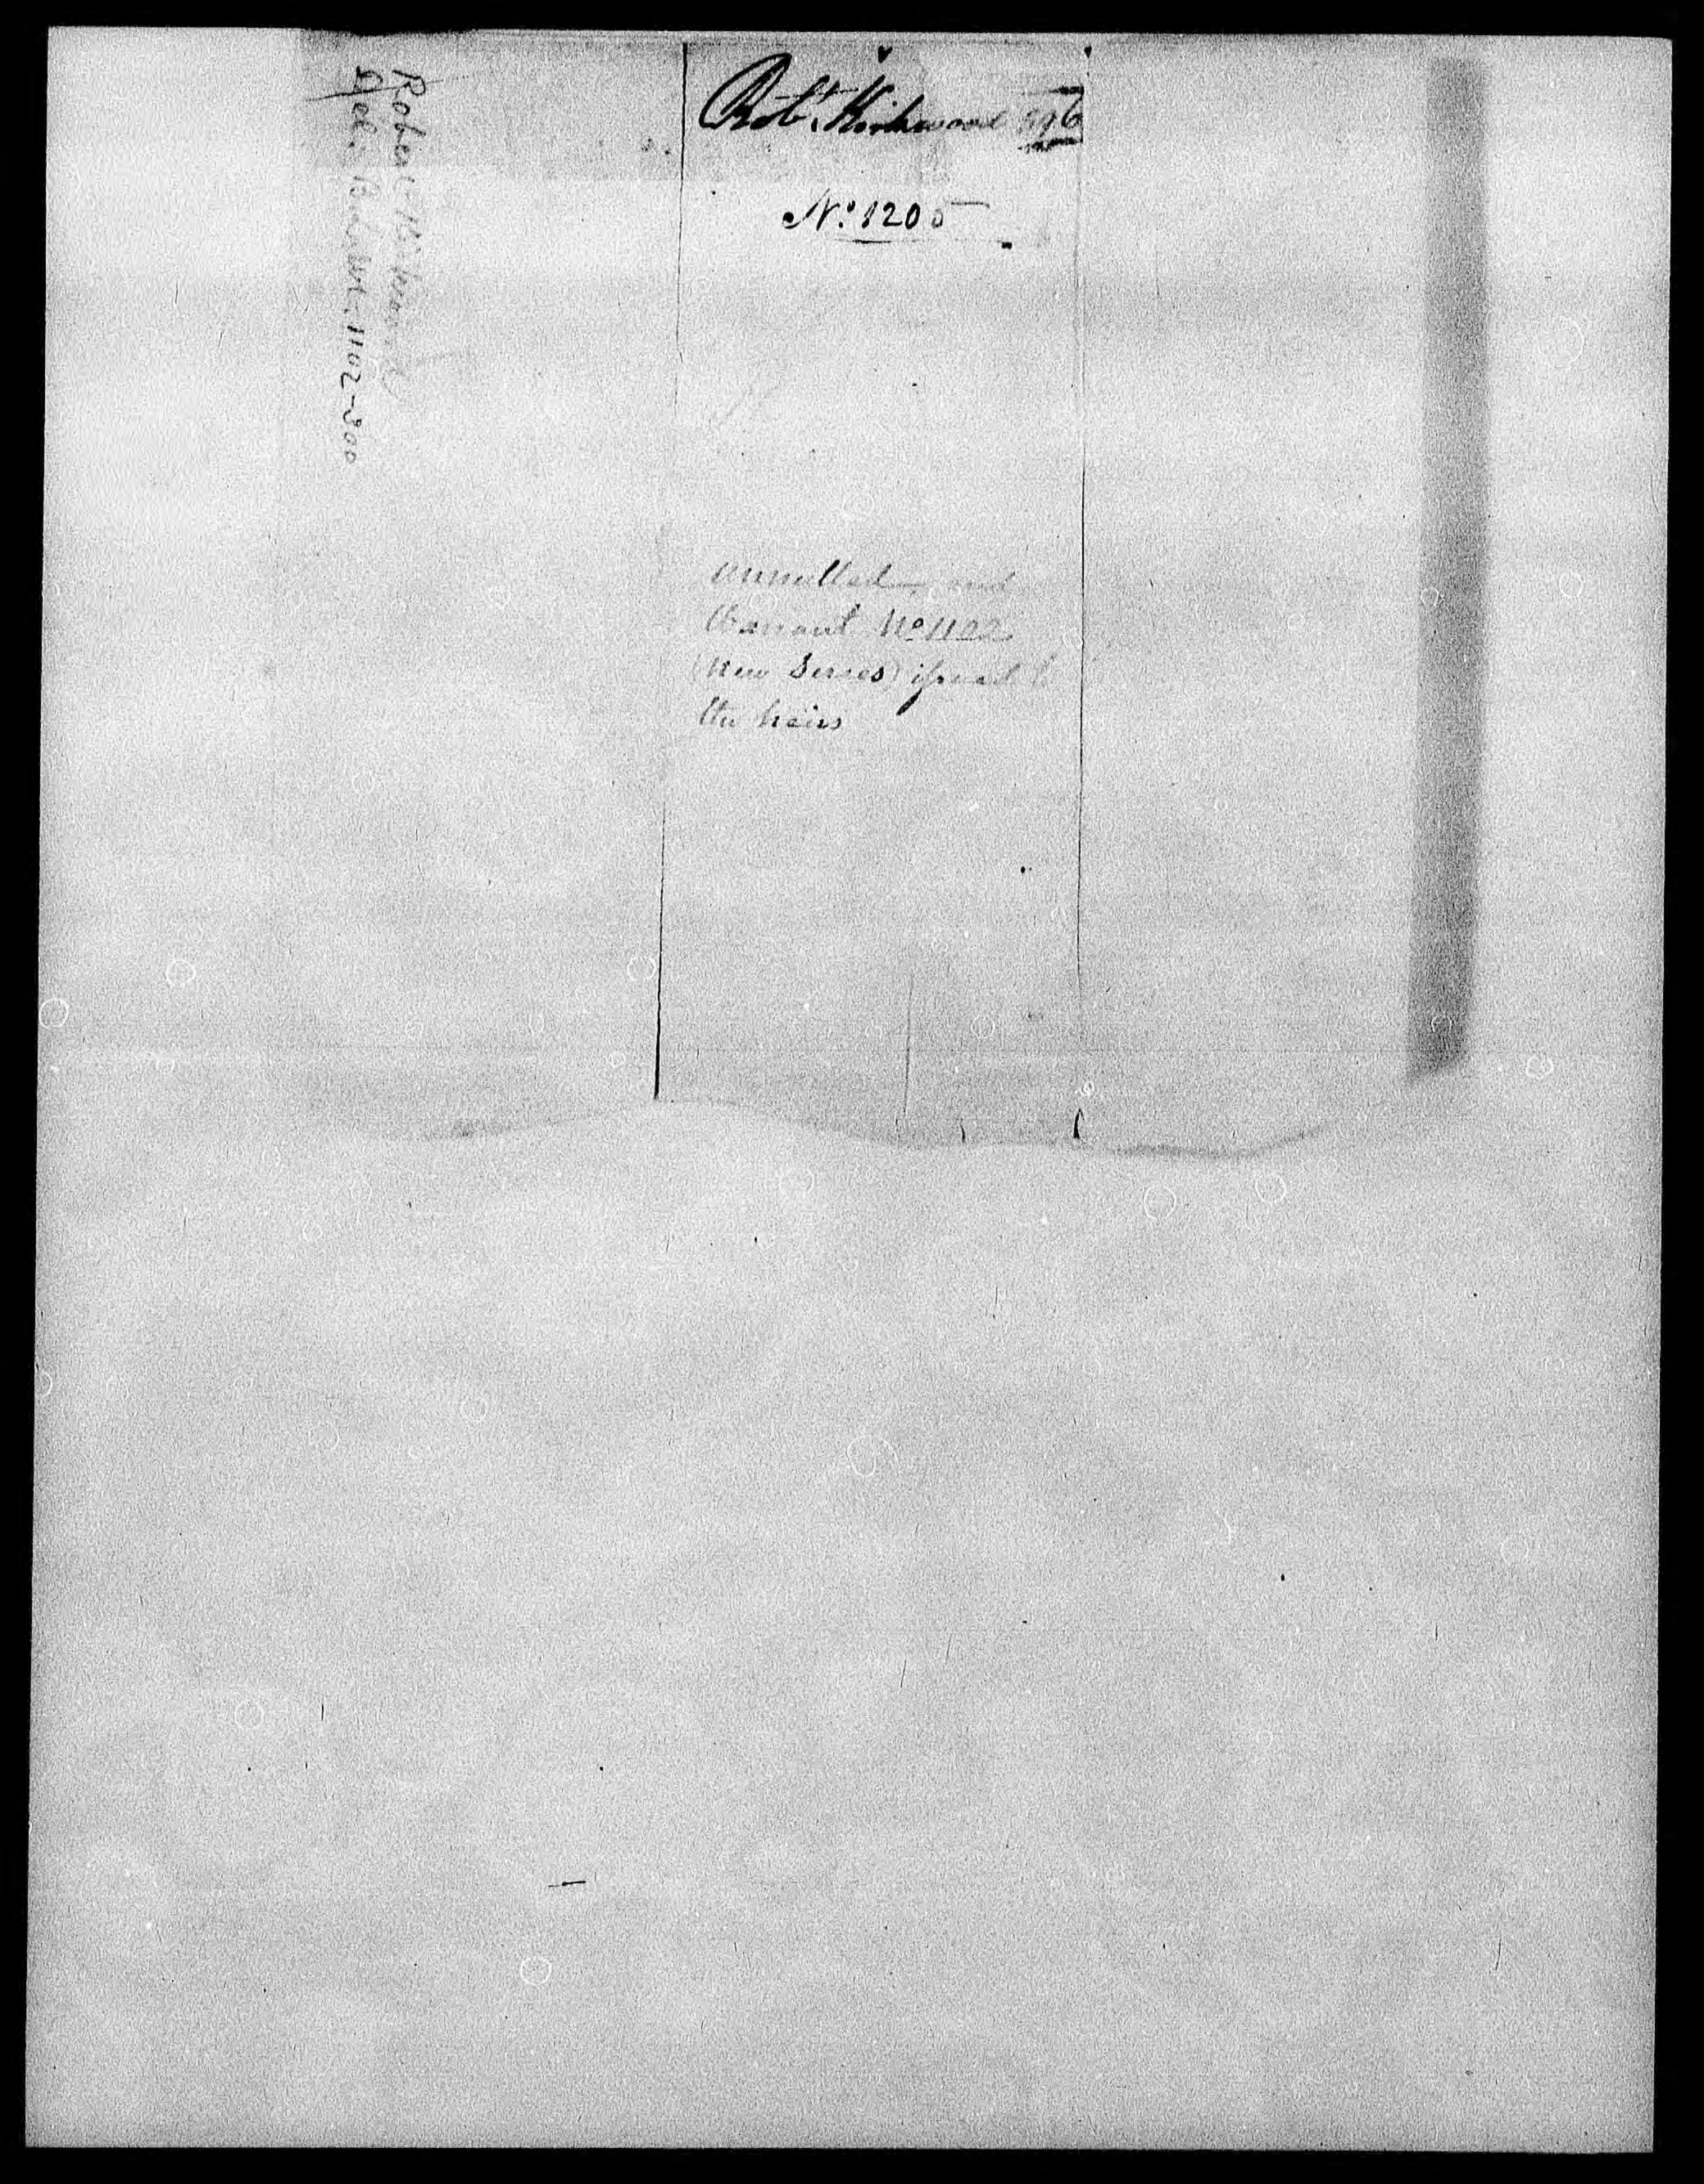Robt Kirkwood 76
No. 1205

annulled [illegible]
Warrant No. 1102
(new Series) issued to the heirs 

[side] Robert Kirkwood
[illegible] 1102-300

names: Robt Kirkwood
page: 11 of 20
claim: bounty land warrant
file: B. L. Wt. 1102-300, for Robert Kirkwood, Delaware